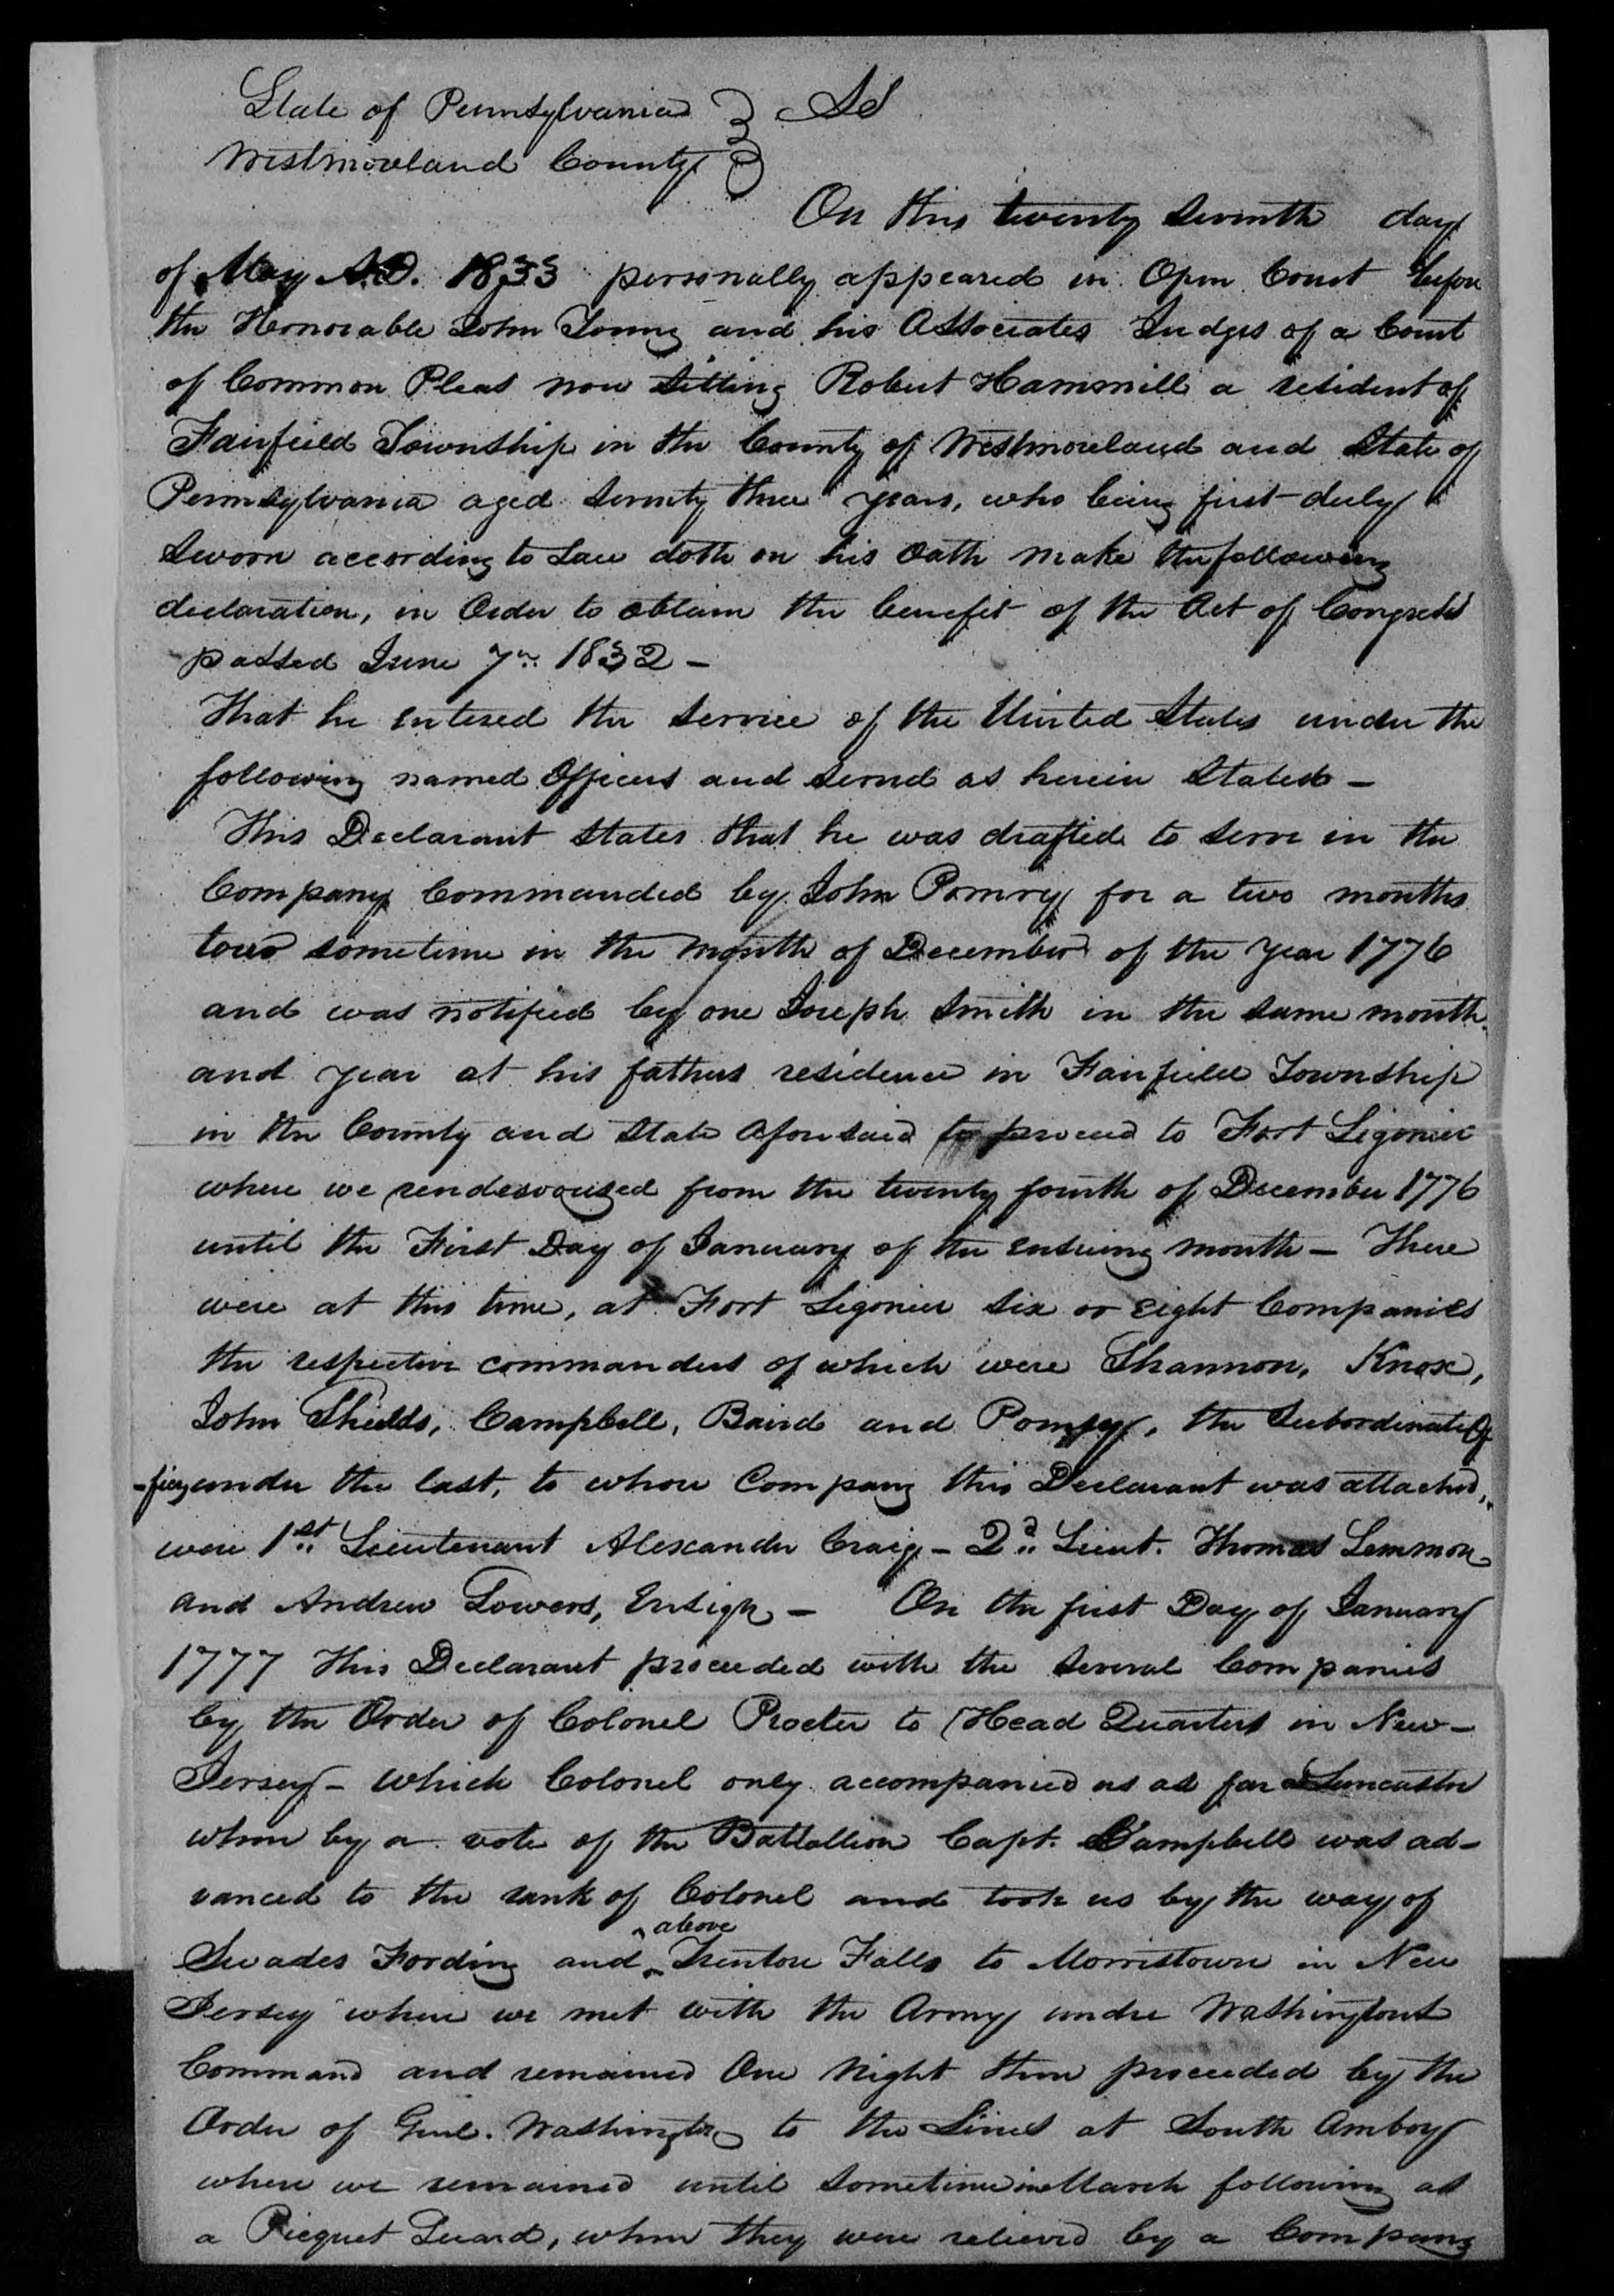State of Pennsylvania } Ss
Westmoreland County }
On this twenty seventh day of May A.D. 1833 personally appeared in Open Court before the Honorable John Young and his Associates Judges of a Court of Common Pleas now sitting Robert Hammill a resident of Fairfield Township in the County of Westmoreland and State of Pennsylvania aged Seventy three years, who being first-duly Sworn according to Law doth on his oath make the following declaration, in order to obtain the benefit of the Act of Congress passed June 7th 1832- 

That he entered the Service of the United States under the following named officers and served as herein stated- This Declarant states that he was drafted to serve in the Company Commanded by John Pomry for a two months tour sometime in the month of December of the year 1776 and was notified by one Joseph Smith in the same month and year at his fathers residence in Fairfield Township in the County and State aforesaid to proceed to Fort Ligonier where we rendesvoused from the twenty fourth of December 1776 until the First day of January of the ensuing month- There were at this time, at Fort Ligonier six or eight Companies the respective commanders of which were Shannon, Knox, John Shields, Campbell, Baird and Pomry, the subordinate office[rs], under the last, to whose Company this Declarant was attached, were 1st Lieutenant Alexander Craig- 2d Lieut. Thomas Lemmon and Andrew Lowers, Ensign - On the first day of January 1777 This Declarant proceeded with the several companies by the Order of Colonel Procter to Head Quarters in New- Jersey, which Colonel only accompanied us as far as Lancaster when by a vote of the Battallion Capt. Campbell was advanced to the rank of Colonel and took us by the way of Swades Fording [Swede’s Ford?] and Trenton Falls to Morristown in New Jersey where we met with the Army under Washingtons Command and remained One night then proceeded by the Order of Genl. Washington to the Lines at South Amboy where we remained until sometime in March following as a Piquet Guard, when they were relieved by a Company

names: John Shields, Washington, Alexander Craig, Thomas Lemmon, Baird, John Pomry, Campbell, Campbell, Andrew Lowers, Washingtons, Pomry, Shannon, John Young, Robert Hammill, Knox, Joseph Smith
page: 9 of 92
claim: widow's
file: W 1173, Robert Hamill, Penn.